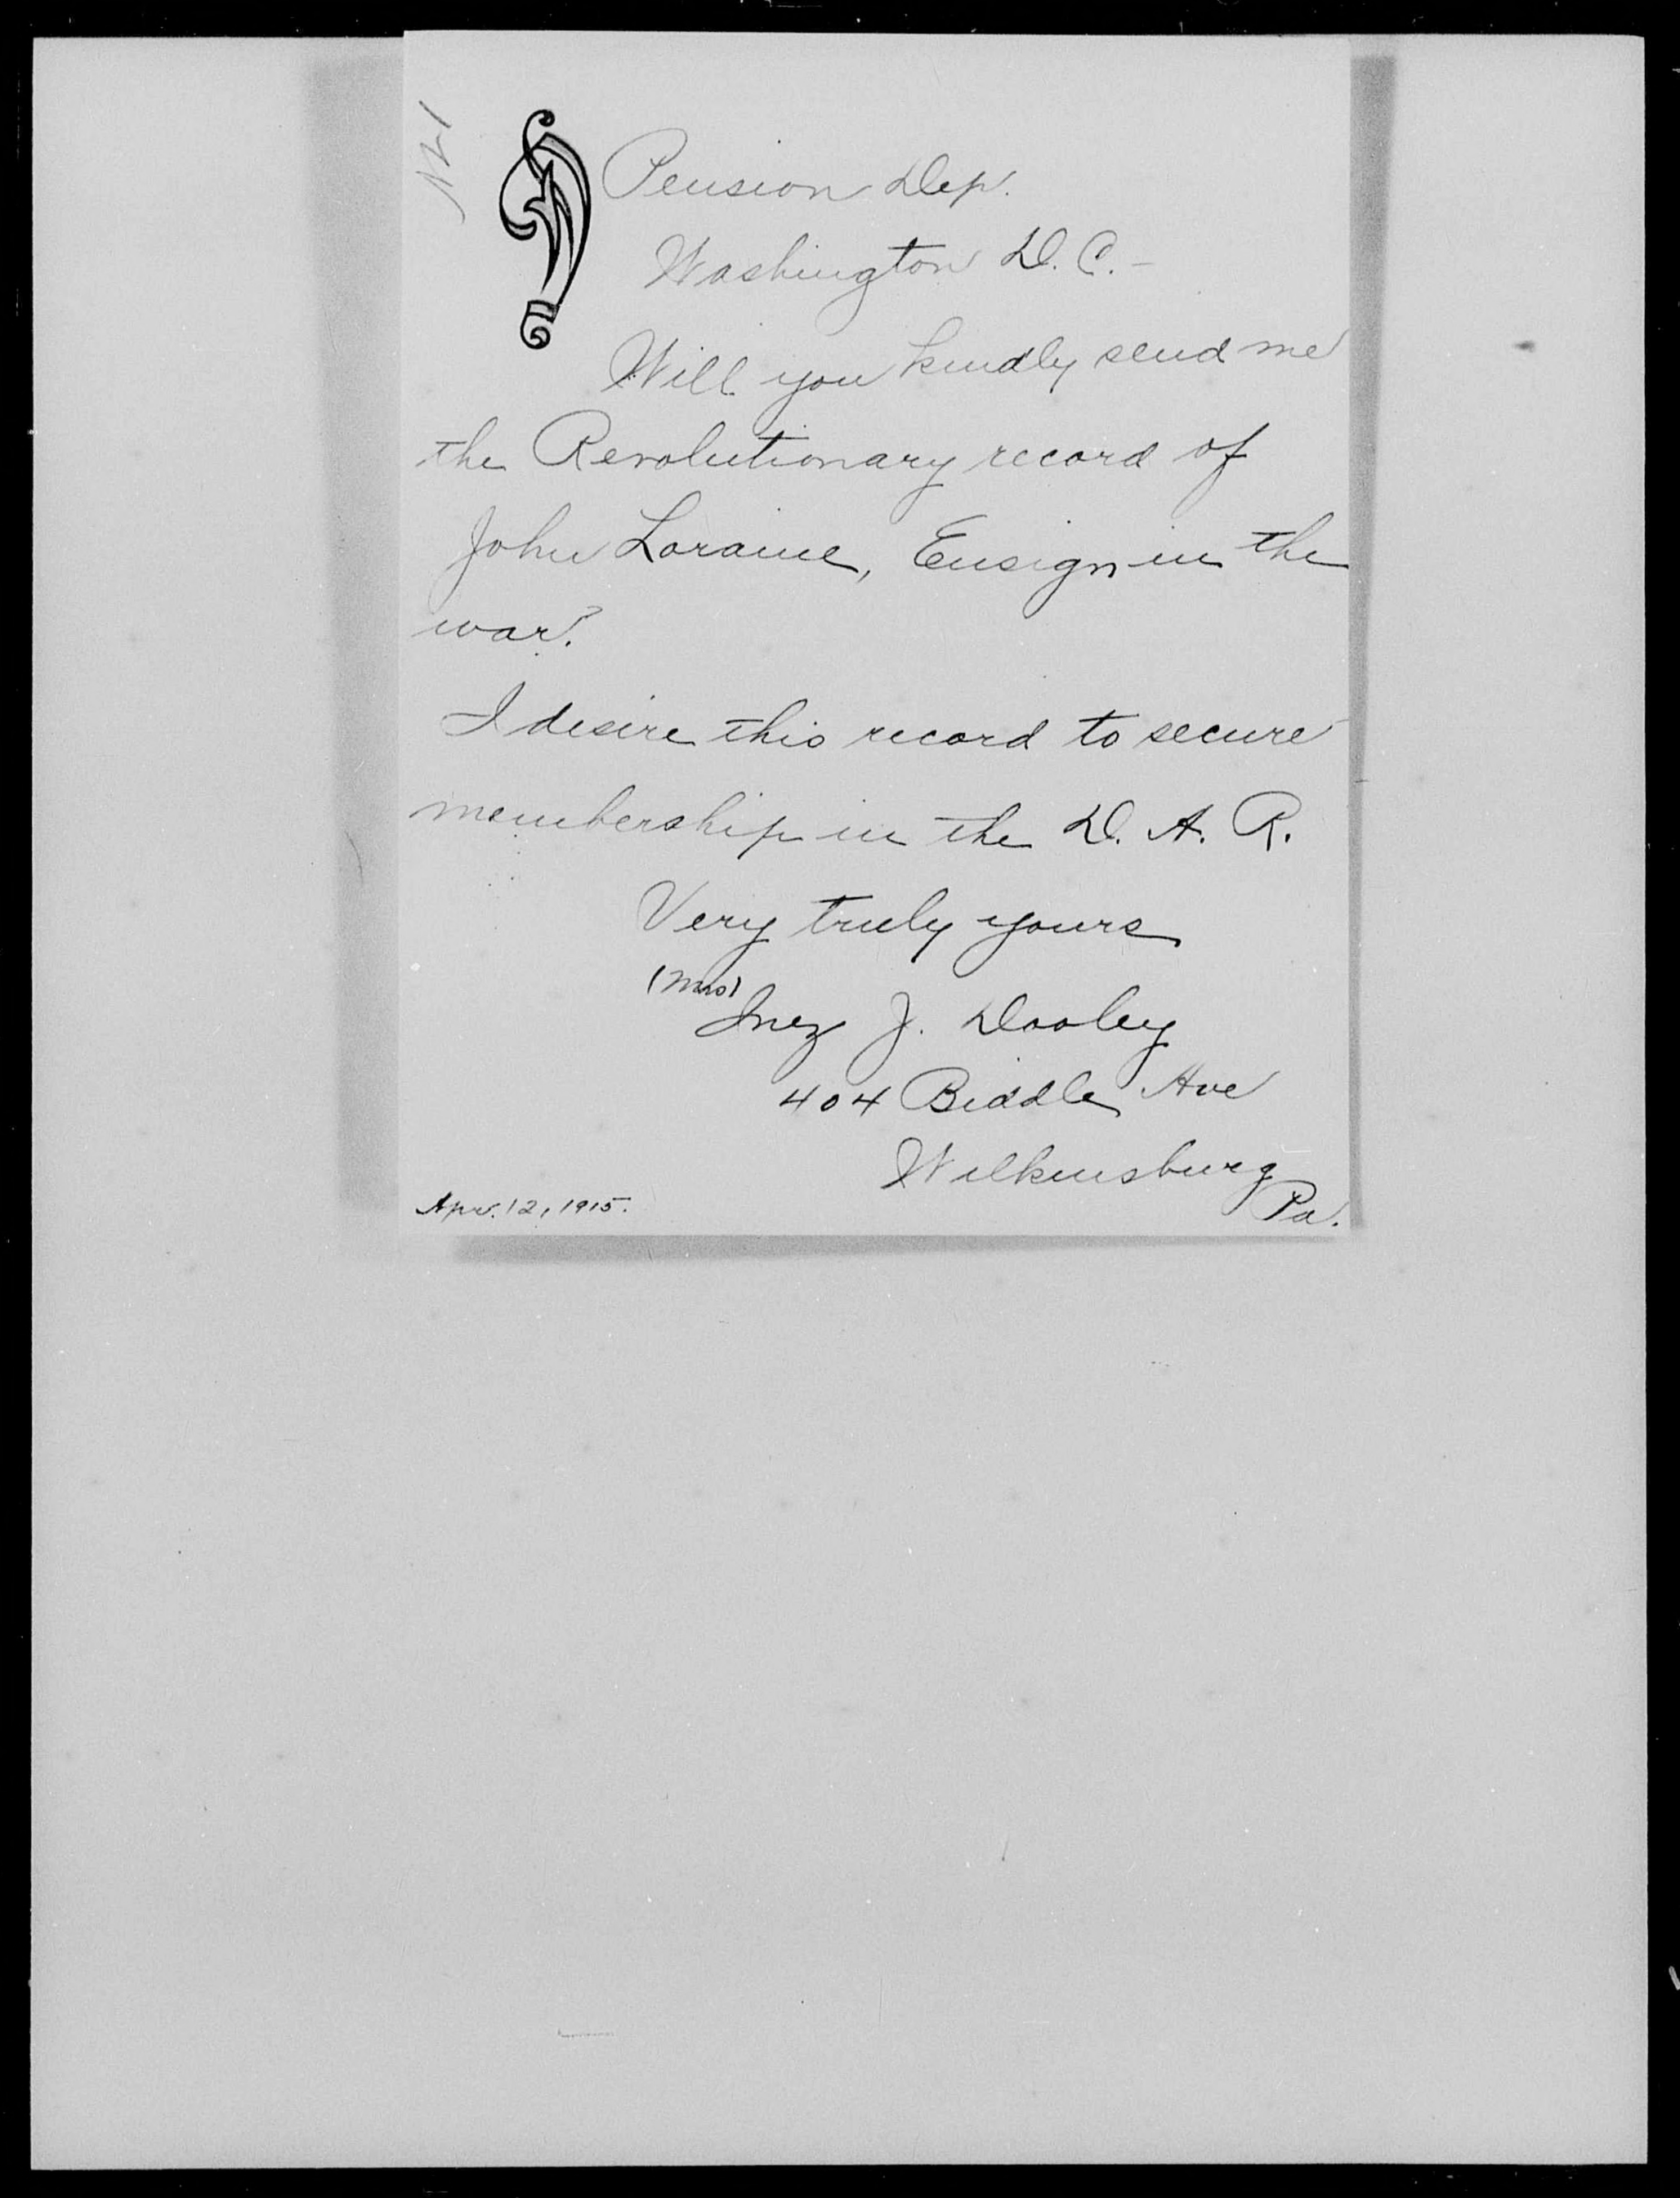M1

Pension Dept.
Washington D.C. -

Will you kindly send me the Revolutionary record of John Loraine, ensign in the war?
I desire this record to secure membership in the D.A.R.
Very truly yours
(Mrs.) Inez J. Dooley
404 Biddle Ave
Wilkinsburg Pa.
Apr. 12, 1915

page: 16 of 21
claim: survivor's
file: S. 40,098, for John Lorain, Pennsylvania